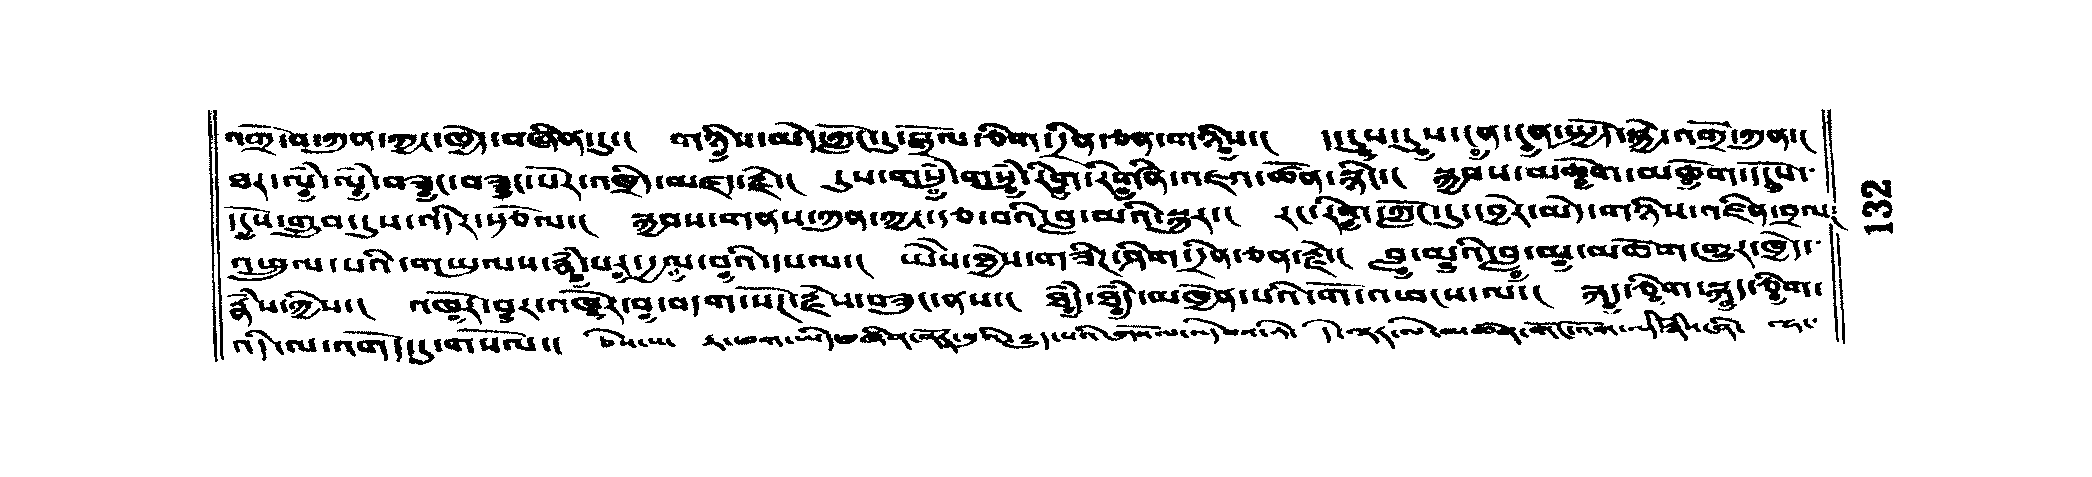འགྲོ་བ་ཀུན་ཀྱང་ཁྱེད་བཞིན་དུ། །གཉིས་མེད་ཀློང་དུ་སྒྲོལ་ཅིག་དྲིན་ཅན་གཉིས། །ད་དུས་དུས་ངན་ངན་སྤྱོད་སྐྱེ་འགྲོ་ཀུན། །
ཐར་ལམ་ལམ་བཟང་བཟང་པོར་འཁྲིད་མཛད་རྗེ། །དུས་གསུམ་གསུམ་རིག་རིག་འཛིན་འཇའ་ཚོན་སྙིང་། །སྐྱབས་མཆོག་མཆོག་དངོས་
དངོས་གྲུབ་དུས་འདིར་སྩོལ། །སྐྱབས་གནས་ཀུན་ཀྱང་རྩ་བའི་བླ་མའི་སྐུར། །རང་རིག་ཀློང་དུ་དབྱེར་མེད་གཉིས་འཛིན་བྲལ། །
འཁྲུལ་པའི་གཡུལ་ལས་རྣམ་པར་རྒྱལ་བའི་དཔལ། །ཡེ་ཤེས་ཐུགས་རྗེས་གཟིགས་ཤིག་དྲིན་ཅན་རྗེ། །བླ་མའི་བླ་མ་མཆོག་གྱུར་ཁྱེད་
རྣམས་ཀྱིས། །འཁོར་བར་འཁོར་བ་བདག་སོགས་རྗེས་བཟུང་ནས། །ཐམས་ཅད་ཐམས་ཅད་མཁྱེན་པའི་གོ་འཕང་ལ། །སྐད་ཅིག་སྐད་ཅིག་
འདི་ལ་འགོད་དུ་གསོལ། ཅེས་པ་རྟ་ཕག་ཡིད་བཞིན་ནོར་བུའི་རྒྱུད་པའི་གསོལ་འདེབས་ཏེ། དེ་ལྟར་ལེ་མཚན་གོང་འོག་འདི་རྣམས་ནི། ལྷ་